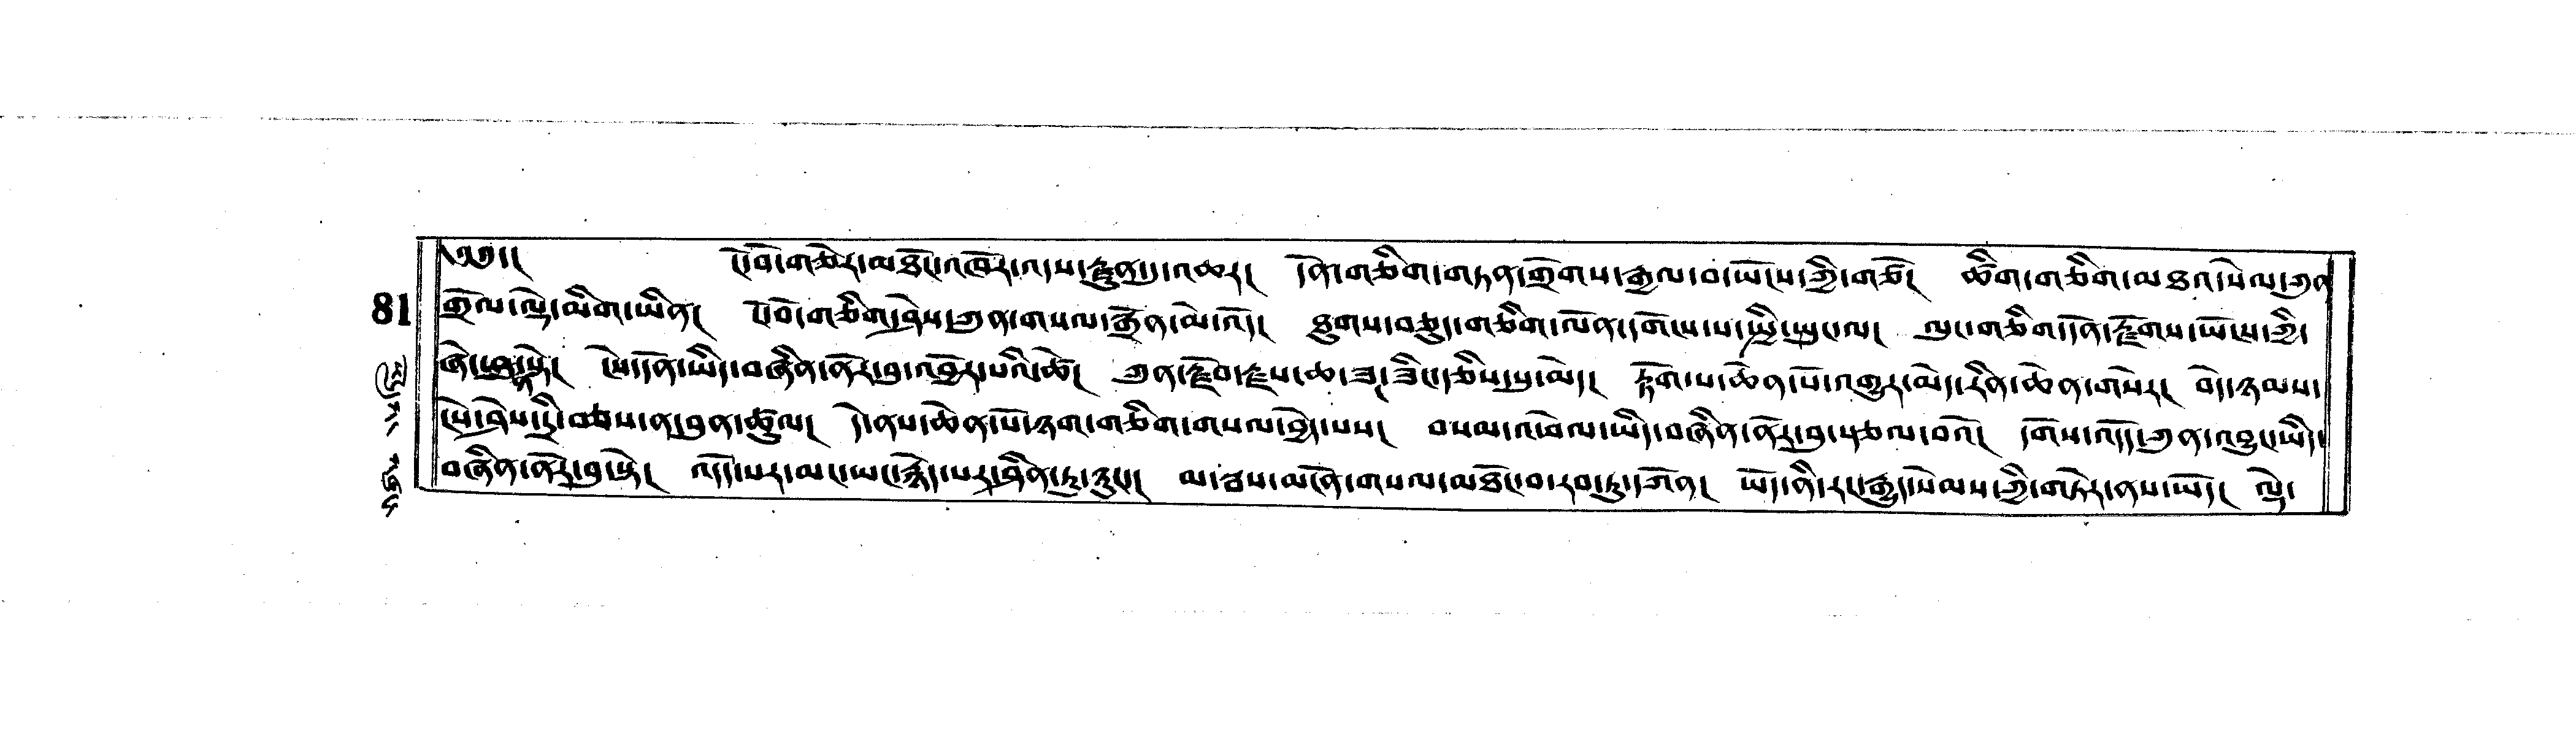ངོ་བོ་གཅེར་མཐོང་འཁོར་འདས་རྫུན་དུ་འཆར། དོན་གཅིག་གཏན་གྲོགས་རྒྱལ་བ་ཡོངས་ཀྱི་གཙོ། ཚིག་གཅིག་མཐའ་སེལ་ཀུན་
གྲོལ་ལྡེ་མིག་ཡིན། ངོ་བོ་གཅིག་ཤེས་ཀུན་གསལ་སྒྲོན་མེ་འོད། ཐུགས་བཅུད་སྤྱི་ལོན་ངོ་བོ་སྤྱི་སྤུང་ལ། ལུང་གཅིག་དོན་རྫོགས་ཡོངས་ཀྱི་
ཞེ་ཕུགས་སྟེ། ངེས་དོན་ཡིད་བཞིན་ནོར་བུ་འབྱོར་བའི་ཚེ། ཀུན་རྫོབ་རྫས་ཆ་ཟང་ཟིང་རྩིས་སུ་མེད། རྟོགས་པ་ཆེན་པོ་འགྱུར་མེད་རིན་ཆེན་གསེར། བདེ་ཉམས་
ངེས་ཤེས་དྲི་བཅས་ན་བུན་ཚུལ། དེ་ནས་ཆེན་པོ་ཉག་ཅིག་གསལ་བྱེད་པས། བསམ་འཕེལ་ཡིད་བཞིན་ནོར་བུ་བཙལ་བའོ། དགོས་འདོད་ཀུན་འབྱུང་ཡིད་
བཞིན་ནོར་བུ་སྟེ། འདོད་པར་མང་ཡང་རྙེད་པར་ཤིན་ཏུ་ཉུང་། མ་སྦས་མངོན་གསལ་མཐོང་བ་རབ་ཏུ་དཀོན། ཡོད་ནི་རང་རྒྱུད་སེམས་ཀྱི་གཏེར་ནས་ཡོད། ལྡེ་